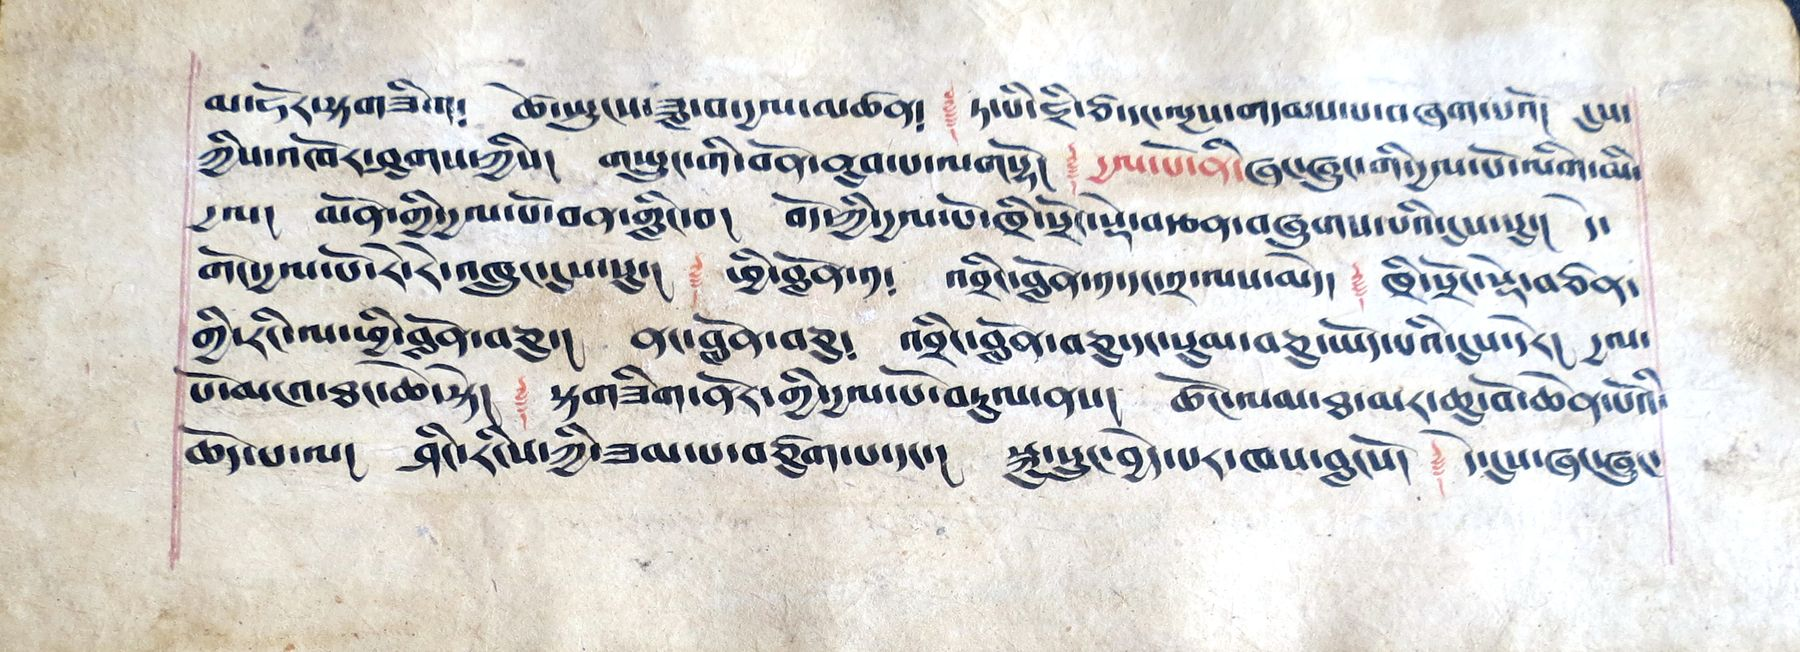མ་ཧོར་སྟག་གཟིགས། ཚེ་སྤུངས་ཟླ་བ་རྒྱལ་མཚན་དང་བཞིའོ། ། ཏ་པི་ཧྲི་ཙས་གདམས་པ་བཞག་པའི། མཆོག་ཐུན་མོང་གཉིས་ལ་མངའ་བསྙེམས་པ་ཡི། གྱེར་སྤུངས་ཆེན་པོ་སྣང་བཞེར་ལོད་པོ་བཞུགས་པའི་དུས། དུས་
ཀྱིས་འཁོར་ལོའི་ཤུགས་ཀྱིས་གཡུང་དྲུང་གི་བོན་ནུབ་པ་ལགས་སོ། ། རྒྱལ་པོ་ནི། ཞང་ཞུང་གི་རྒྱལ་པོ་ལིག་མི་
རྐྱ་། མོན་གྱི་རྒྱལ་པོ་བན་ལིང་བ། བོད་ཀྱི་རྒྱལ་པོ་ཁྲི་སྲོང་ལྡེ་བཙན་བཞུགས་པའི་དུས། དེ་
གོང་རྒྱལ་པོ་རེ་རེ་ལ་སྐུ་འཁྲུངས་པའི་དུས་སུ། ཕྱི་བློན་གཅིག འབྲིང་བློན་གཅིག་དང་གཉིས་ལས་མེད། ཁྲི་སྲོང་ལྡེ་བཙན་
གྱི་རིང་ལ། ཕྱི་བློན་བཅུ། ནང་བློན་བཅུ། འབྲིང་བློན་བཅུ་དང་སུམ་ཅུ་ཡོད་པའི་དུས་དེར་རྒྱལ་
པོ་མངའ་ཐང་ཆེ་སྟེ། སྟག་གཟིག་ནོར་གྱི་རྒྱལ་པོ་བཏུལ་ནས། ཚོང་ལམ་ཐ་མར་ཆུའོ་ཆེན་པོས་
ཆོད་པ་ལ། ཤིང་རིང་གི་ཟམ་པ་བཙུགས་པ་དང་། སྐུ་སྲུང་བྱེད་པར་ཁས་བླངས་སོ། ། དེ་དུས་ཞང་ཞུང་